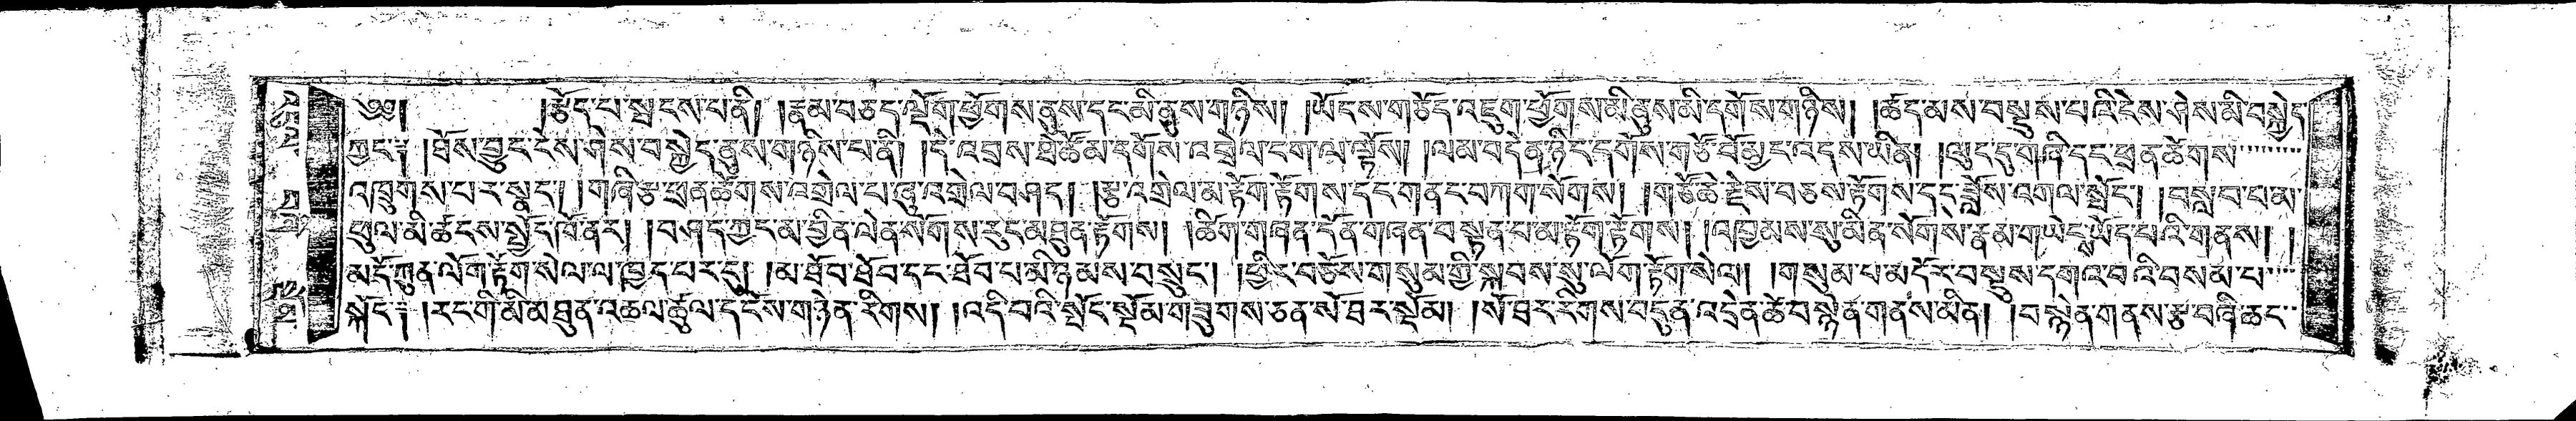༄༅། །རྩོད་པ་སྤངས་པ་ནི། །རྣམ་བཅད་ལྡོག་ཕྱོགས་ནུས་དང་མི་ནུས་གཉིས། །ཡོངས་གཅོད་འཇུག་ཕྱོགས་མི་ནུས་མི་དགོས་གཉིས། །ཚད་མས་བསྡུས་པའི་ངེས་ཤེས་མི་བསྐྱེད་
ཀྱང༑ །ཐོས་བྱུང་ངེས་ཤེས་བསྐྱེད་ནུས་གཉིས་པ་ནི། །དེ་འབྲས་ཐེ་ཚོམ་དགོས་འབྲེལ་ངག་ལ་ལྟོས། །ལམ་བདེན་ཉིད་དགོས་གཙོ་བོ་མྱང་འདས་ཡིན། །ལུང་དུ་གཞི་དང་ཕྲན་ཚེགས་
འཁྲུགས་པར་སྣང་། །གཞི་རྩ་ཕྲན་ཚེགས་འགྲེལ་པ་ཞུ་འགྲེལ་བཤད། །རྩ་འགྲེལ་མ་རྟོག་རྟོགས་དང་གནང་བཀག་སོགས། །གཙོ་ཆེ་རྗེས་བཅས་རྟོགས་དང་ཟློས་འགལ་སྤོང་། །བསླབ་པ་མ་
ཕུལ་མི་ཚངས་སྤྱོད་ཁོ་ནར། །བཤད་ཀྱང་མ་བྱིན་ལེན་སོགས་རུང་མཐུན་རྟོགས། །ཚིག་གཞན་དོན་གཞན་བསྟན་པ་མ་རྟོག་རྟོགས། །འཁྱམས་སུ་མིན་སོགས་རྣམ་གཡེངས་ཡོད་པའི་གནས། །
མདོ་ཀུན་ལོག་རྟོག་སེལ་ལ་ཁྱད་པར་དུ། །མ་ཐོབ་ཐོབ་དང་ཐོབ་པ་མི་ཉམས་བསྲུང་། །ཕྱིར་བཅོས་གསུམ་གྱི་སྐབས་སུ་ལོག་རྟོག་སེལ། །གསུམ་པ་མདོར་བསྡུས་དགའ་བའི་བསམ་པ་
སྐོང༑ །རང་གི་མི་མཐུན་འཆལ་ཚུལ་དངོས་གཉེན་རིགས། །འདི་པའི་སྤོང་སྡོམ་གཟུགས་ཅན་སོ་ཐར་སྡོམ། །སོ་ཐར་རིགས་བདུན་འདྲེན་ཚེ་བསྙེན་གནས་མིན། །བསྙེན་གནས་རྩ་བཞི་ཆང་